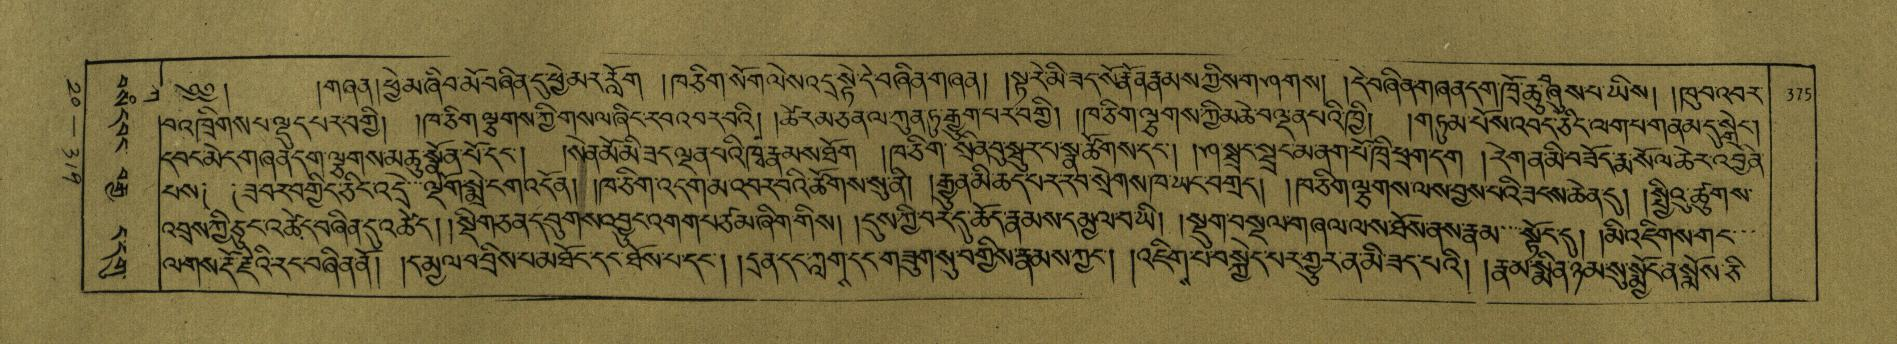༄༅། །གཞན། ཕྱེ་མ་ཞིབ་མོ་བཞིན་དུ་ཕྱེ་མར་རློག །ཁ་ཅིག་སོག་ལེས་འདྲ་སྟེ་དེ་བཞིན་གཞན། །སྟ་རེ་མི་ཟད་སོ་རྣོན་རྣམས་ཀྱིས་གཤགས། །དེ་བཞིན་གཞན་དག་ཁྲོ་ཆུ་ཞུས་པ་ཡིས། །ཁུ་བ་འབར་
བ་འཁྲིགས་པ་ལྡུད་པར་བགྱི། །ཁ་ཅིག་ལྕགས་ཀྱི་གསལ་ཞིང་རབ་འབར་བའི། །ཚེར་མ་ཅན་ལ་ཀུན་ཏུ་རྒྱུག་པར་བགྱི། །ཁ་ཅིག་ལྕགས་ཀྱི་མཆེ་བ་ལྡན་པའི་ཁྱི། །གཏུམ་པོས་འབད་ཅིང་ལག་པ་གནམ་དུ་སྒྲེང་།
དབང་མེད་གཞན་དག་ལྕགས་མཆུ་སྣོན་པོ་དང་། །སེན་མོ་མི་ཟད་ལྡན་པའི་ཁྭ་རྣམས་ཐོག །ཁ་ཅིག་སྲིན་བུ་སྦུར་པ་སྣ་ཚོགས་དང་། །ཤ་སྦྲང་སྦྲང་མ་ནག་པོ་ཁྲི་ཕྲག་དག །རེག་ན་མི་བཟོད་རྨ་སོལ་ཆེར་འབྱིན་
པས༑ ༑ཟ་བར་བགྱིད་ཅིང་འདྲེ་ལྡོག་སྨྲེ་ངག་འདོན། །ཁ་ཅིག་འདག་མ་འབར་བའི་ཚོགས་སུ་ནི། །རྒྱུན་མི་ཆད་པར་རབ་སྲེགས་ཁ་ཡང་བགྲད། །ཁ་ཅིག་ལྕགས་ལས་བྱས་པའི་ཟངས་ཆེན་དུ། །སྤྱིའུ་ཚུགས་
འབྲས་ཀྱི་ཅུང་འཚེད་བཞིན་དུ་འཚེད། །སྡིག་ཅན་དབུགས་འབྱུང་འགག་པ་ཙམ་ཞིག་གིས། །དུས་ཀྱི་བར་དུ་ཆོད་རྣམས་དམྱལ་བ་ཡི། །སྡུག་བསྔལ་གཞལ་ལས་ཐོས་ནས་རྣམ་སྟོང་དུ། །མི་འཇིགས་གང་
ལགས་རྡོ་རྗེའི་རང་བཞིན་ནོ། །དམྱལ་བ་བྲིས་པ་མཐོང་དང་ཐོས་པ་དང་། །དྲན་དང་ཀླགས་དང་གཟུག་སུ་བགྱིས་རྣམས་ཀྱང་། །འཇིགས་པ་བསྐྱེད་པར་གྱུར་ན་མི་ཟད་པའི། །རྣམ་སྨིན་ཉམ་སུ་སྨྱོང་ན་སྨོས་ཅི་